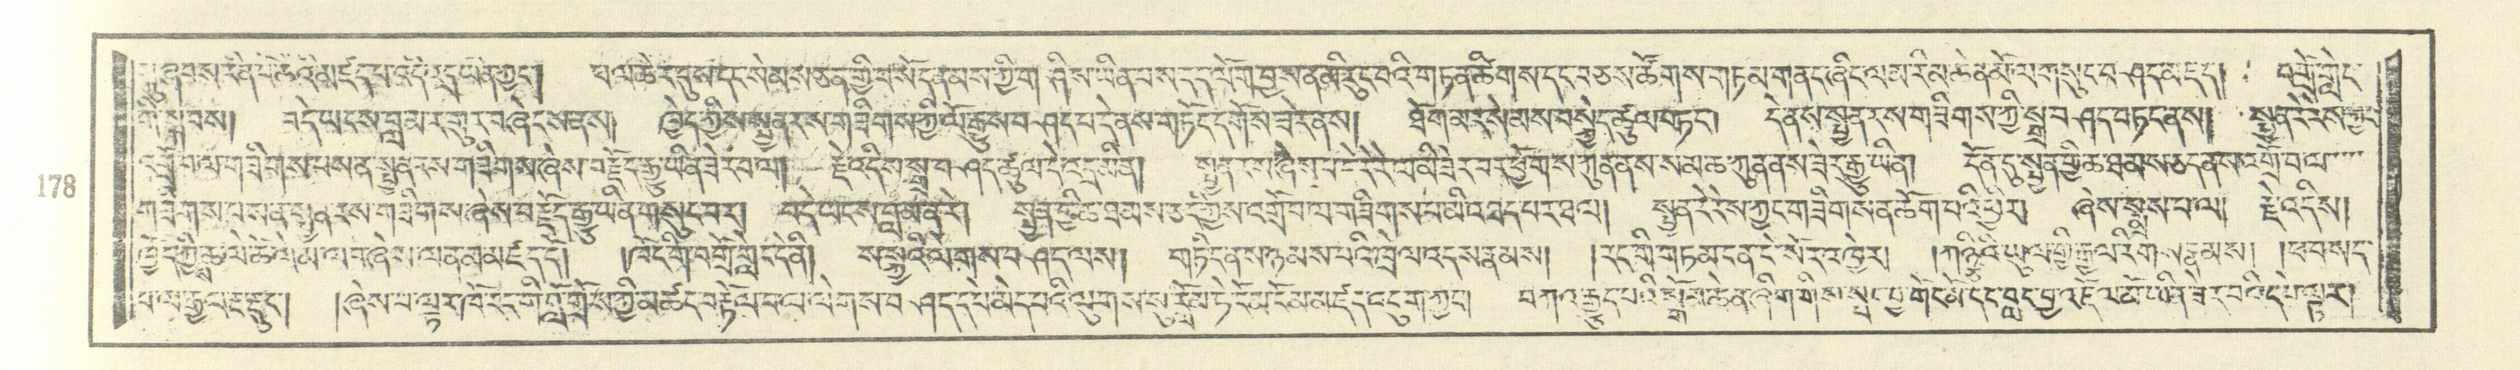སྐུ་ཞབས་རིན་པོ་ཆེའི་མཛད་པ་འདི་འདྲ་ཡིན་ཀྱང་། ཕལ་ཆེར་དུས་དང་སེམས་ཅན་གྱི་བསོད་ནམས་ཀྱི་གཤིས་ཡིན་བས་དད་ལོག་བྱས་ན་མི་རུང་བའི་གཏན་ཚིགས་དང་བཅས་ཚོགས་གཏམ་གནང་ཞིང་ལམ་རིམ་ཆེན་མོ་ལ་གསུང་བཤད་མཇད། བགྲོ་གླེང་
གི་སྐབས། བདེ་ཡངས་བླ་མ་ར་གུར་བཞེངས་ནས། ཁྱེད་ཀྱིས་སྤྱན་རས་གཟིགས་ཀྱི་ལོ་རྒྱུས་བཤད་པ་དེ་ནས་གཏོང་དགོས་ཟེར་ནས། ཐོག་མར་སེམས་བསྐྱེད་ཚུལ་བཏང་། དེ་ནས་སྤྱན་རས་གཟིགས་ཀྱི་སྒྲ་བཤད་བཏང་ནས། སྤྱན་རེ་རེས་ཀྱང་
འགྲོ་བ་ལ་གཟིགས་པས་ན་སྤྱན་རས་གཟིགས་ཞེས་བརྗོད་རྒྱུ་ཡིན་ཟེར་བ་ལ། རྗེ་འདིས་སྒྲ་བཤད་ཚུལ་དེ་འདྲ་མིན། སྤྱན་རས་ཞེས་པ་དེ་རེ་རེ་ལ་མི་ཟེར་བར་ཕྱོགས་ཀུན་ནས་སམ་ཆ་ཀུན་ནས་ཟེར་རྒྱུ་ཡིན། དོན་དུ་སྤྱན་གྱི་ཆ་ཐམས་ཅད་ནས་འགྲོ་བ་ལ་
གཟིགས་པས་ན་སྤྱན་རས་གཟིགས་ཞེས་བརྗོད་རྒྱུ་ཡིན་གསུང་བར། བདེ་ཡངས་བླ་མ་ན་རེ། སྤྱན་གྱི་ཆ་ཐམས་ཅད་ཀྱིས་འགྲོ་བ་ལ་གཟིགས་པ་མི་འཐད་པར་ཐལ། སྤྱན་རེ་རེས་ཀྱང་གཟིགས་ན་ཆོག་བའི་ཕྱིར། ཞེས་སྨྲས་པ་ལ། རྗེ་འདིས།
ཁྱོད་ཀྱིས་ཆ་ལེ་ཆོ་ལེ་མ་ལ་བ་ཞེས་ལན་མ་མཛད་དོ། །འཁོང་གི་བགྲོ་གླེང་དེ་ནི། ས་སྐྱའི་ལེགས་བཤད་ལས། གཏིང་ནས་ཉམས་པའི་ཁྲེལ་འདས་རྣམས། །རང་གི་གཏམ་ངན་ངོ་སོར་འཁྱེར། །ཀཉྩིའི་ཡུལ་གྱི་རྒྱལ་རིགས་རྣམས། །ཕ་བསད་
བ་ལ་རྒྱལ་རྔ་རྡུང་། །ཞེས་པ་ལྟར་ཁོ་རང་གི་བློ་གྲོས་ཀྱི་མཚང་བརྟོལ་བ་ལ་ལེགས་བཤད་དཔེ་མེད་པའི་ལུགས་སུ་རློམ་ཏེ་ངོ་ངོམ་མཛད་འདུག་ཀྱང་། བཀའ་རྒྱུད་བའི་སྒོམ་ཆེན་ཞིག་གིས་སྤང་བྱ་གོང་མོ་དང་བླང་བྱ་འཇོལ་མོ་ཡིན་ཟེར་བའི་དཔེ་ལྟར།